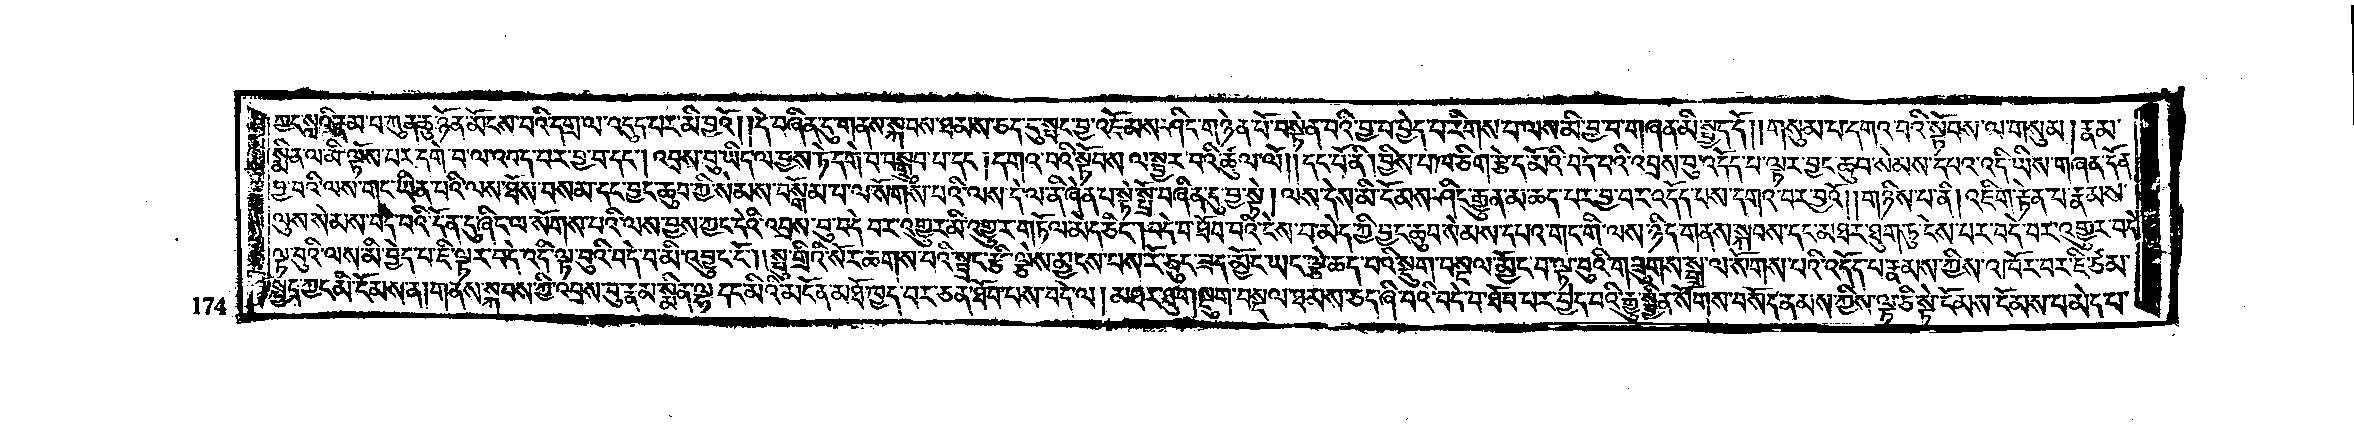ཀྱང་སླའི་རྣམ་པ་ཀུན་ཆུ་ཉོན་མོངས་པའི་དགྲ་ལ་འདུད་པར་མི་བྱའོ། །དེ་བཞིན་དུ་གནས་སྐབས་ཐམས་ཅད་དུ་སྤང་བྱ་འཇོམས་ཤིང་གཉེན་པོ་བསྟེན་པའི་བྱ་བ་བྱེད་པ་རིགས་པ་ལས་མི་བྱ་བ་གཞན་མི་སྤྱད་དོ། །གསུམ་པ་དགའ་བའི་སྟོབས་ལ་གསུམ། རྣམ་
སྨིན་ལ་མི་ལྟོས་པར་དགེ་བ་ལ་འབད་པར་བྱ་བ་དང་། འབྲས་བུ་ཡིད་ལ་བྱས་ཏེ་དགེ་བ་བསྒྲུབ་པ་དང་། དགའ་བའི་སྟོབས་ལ་སྦྱར་བའི་ཚུལ་ལོ། །དང་པོ་ནི། བྱིས་པ་ཁ་ཅིག་རྩེད་མོའི་བདེ་བའི་འབྲས་བུ་འདོད་པ་ལྟར་བྱང་ཆུབ་སེམས་དཔའ་འདི་ཡིས་གཞན་དོན་
བྱ་བའི་ལས་གང་ཡིན་པའི་ལས་ཐོས་བསམ་དང་བྱང་ཆུབ་ཀྱི་སེམས་བསྒོམ་པ་ལ་སོགས་པའི་ལས་དེ་ལ་ནི་ཞེན་པ་སྟེ་སྤྲོ་བཞིན་དུ་བྱ་སྟེ། ལས་དེས་མི་ངོམས་ཤིང་རྒྱུན་མ་ཆད་པར་བྱ་བར་འདོད་པས་དགའ་བར་བྱའོ། །གཉིས་པ་ནི། འཇིག་རྟེན་པ་རྣམས་
ལུས་སེམས་བདེ་བའི་དོན་དུ་ཞིང་ལ་སོགས་པའི་ལས་བྱས་ཀྱང་དེའི་འབྲས་བུ་བདེ་བར་འགྱུར་མི་འགྱུར་གཏོལ་མེད་ཅིང་། བདེ་བ་ཐོབ་པའི་ངེས་པ་མེད་ཀྱི་བྱང་ཆུབ་སེམས་དཔའ་གང་གི་ལས་ཉིད་གནས་སྐབས་དང་མཐར་ཐུག་ཏུ་ངེས་པར་བདེ་བར་འགྱུར་བ་དེ་
ལྟ་བུའི་ལས་མི་བྱེད་པ་ཇི་ལྟར་བདེ་འདི་ལྟ་བུའི་བདེ་བ་མི་འབྱུང་ངོ། །སྤུ་གྲིའི་སོར་ཆགས་པའི་སྦྲང་རྩི་ལྕེས་མྱངས་པས་རོ་ཅུང་ཟད་མྱོང་ཡང་ལྕེ་ཆད་པའི་སྡུག་བསྔལ་མྱོང་བ་ལྟ་བུའི་གཟུགས་སྒྲ་ལ་སོགས་པའི་འདོད་པ་རྣམས་ཀྱིས་འཁོར་བར་ཇི་ཙམ་
སྤྱད་ཀྱང་མི་ངོམས་ན། གནས་སྐབས་ཀྱི་འབྲས་བུ་རྣམ་སྨིན་ལྷ་དང་མིའི་མངོན་མཐོ་ཁྱད་པར་ཅན་ཐོབ་པས་བདེ་ལ། མཐར་ཐུག་སྡུག་བསྔལ་ཐམས་ཅད་ཞི་བའི་བདེ་བ་ཐོབ་པར་བྱེད་པའི་རྒྱུ་སྦྱིན་སོགས་བསོད་ནམས་ཀྱིས་ལྟ་ཅི་སྟེ་ངོམས་ངོམས་པ་མེད་པ་